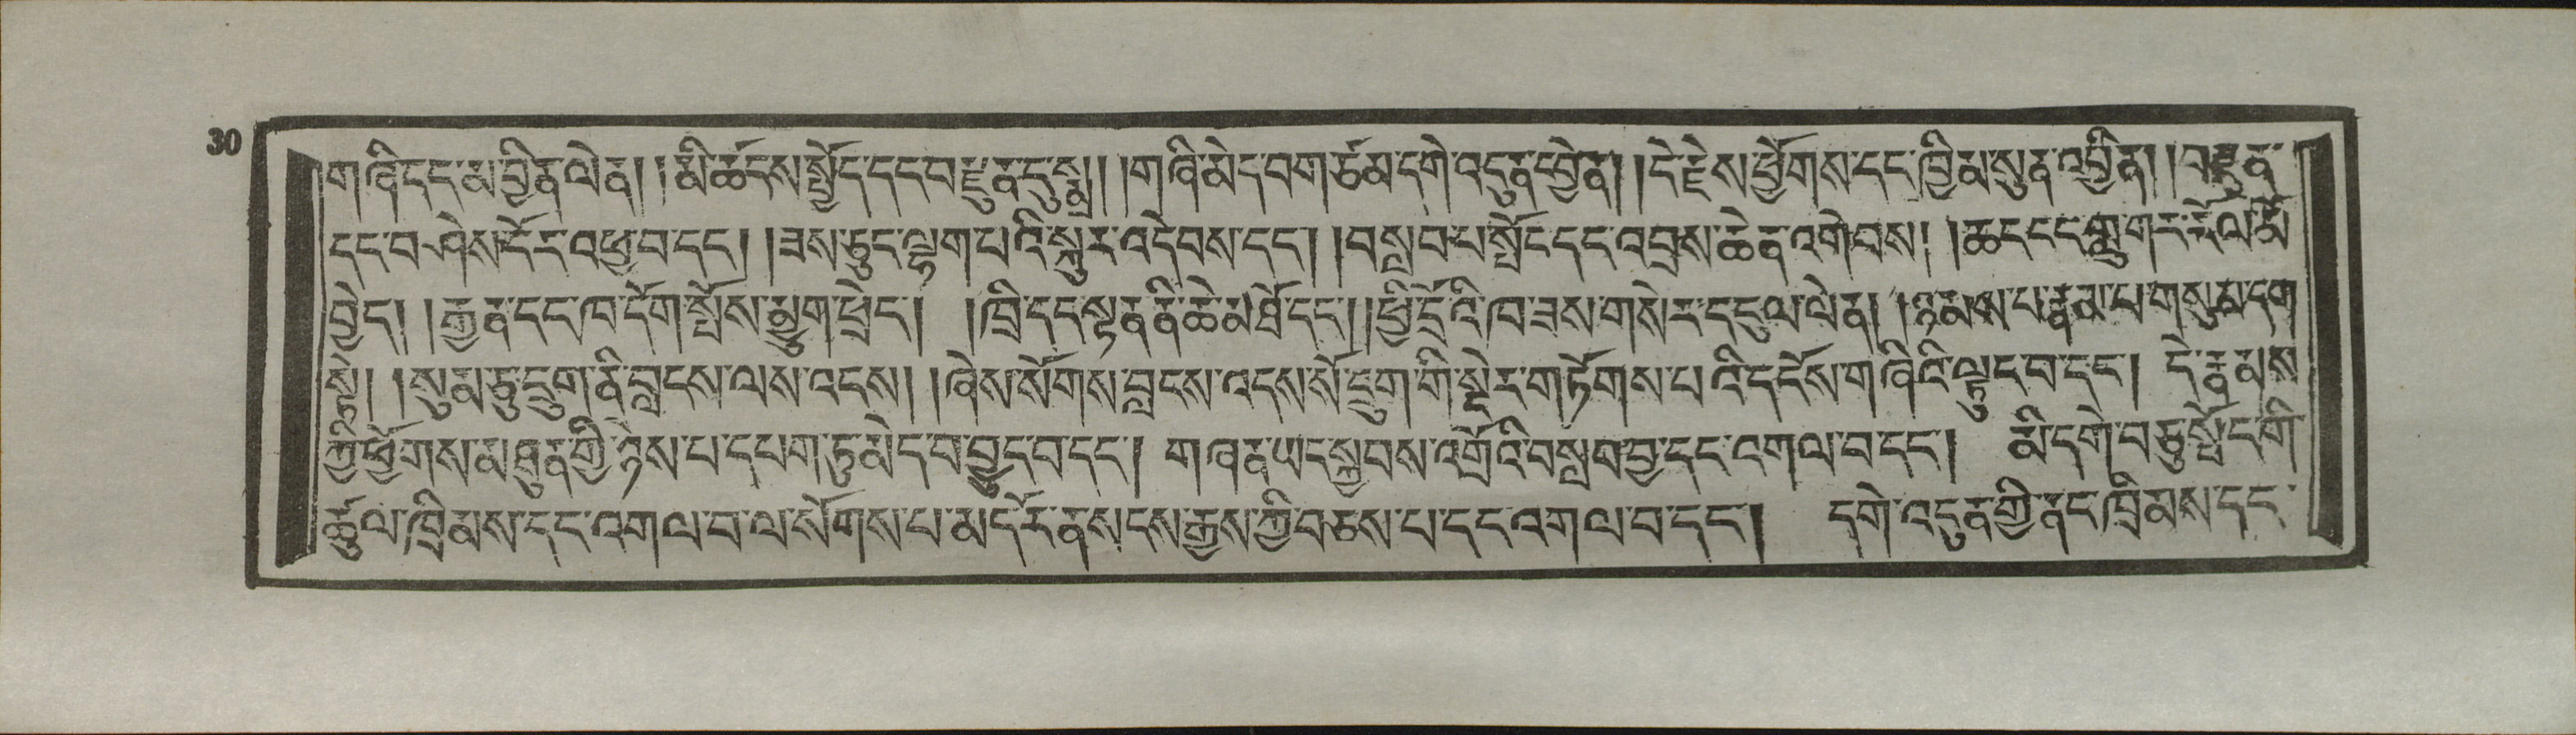གཞི་དང་མ་བྱིན་ལེན། །མི་ཚངས་སྤྱོད་དང་བརྫུན་དུ་སྨྲ། །གཞི་མེད་བག་ཙམ་དགེ་འདུན་དབྱེན། །དེ་རྗེས་ཕྱོགས་དང་ཁྱིམ་སུན་འབྱིན། །བརྫུན་
དང་བཤེས་ངོར་འཕྱ་བ་དང་། །ཟས་ཅུང་ལྷག་པའི་སྐུར་འདེབས་དང་། །བསླབ་པ་སྤོང་དང་འབྲས་ཆེན་འགེབས། །ཆང་དང་གླུ་གར་རོལ་མོ་
བྱེད། །རྒྱན་དང་ཁ་དོག་སྤོས་མྱུག་ཕྲེང་། །ཁྲི་དང་སྟན་ནི་ཆེ་མཐོ་དང་། །ཕྱི་དྲོའི་ཁ་ཟས་གསེར་དངུལ་ལེན། །ཉམས་པ་རྣམ་པ་གསུམ་དག་
སྟེ། །སུམ་ཅུ་དྲུག་ནི་བླངས་ལས་འདས། །ཞེས་སོགས་བླངས་འདས་སོ་དྲུག་གི་སྡེར་གཏོགས་པའི་དངོས་གཞིའི་ལྟུང་བ་དང་། དེ་རྣམས་
ཀྱི་ཕྱོགས་མཐུན་གྱི་ཉེས་པ་དཔག་ཏུ་མེད་པ་བྱུང་བ་དང་། གཞན་ཡང་སྐྱབས་འགྲོའི་བསླབ་བྱ་དང་འགལ་བ་དང་། མི་དགེ་བཅུ་སྤོང་གི་
ཚུལ་ཁྲིམས་དང་འགལ་བ་ལ་སོགས་པ་མདོར་ན་སངས་རྒྱས་ཀྱི་བཅས་པ་དང་འགལ་བ་དང་། དགེ་འདུན་གྱི་ནང་ཁྲིམས་དང་